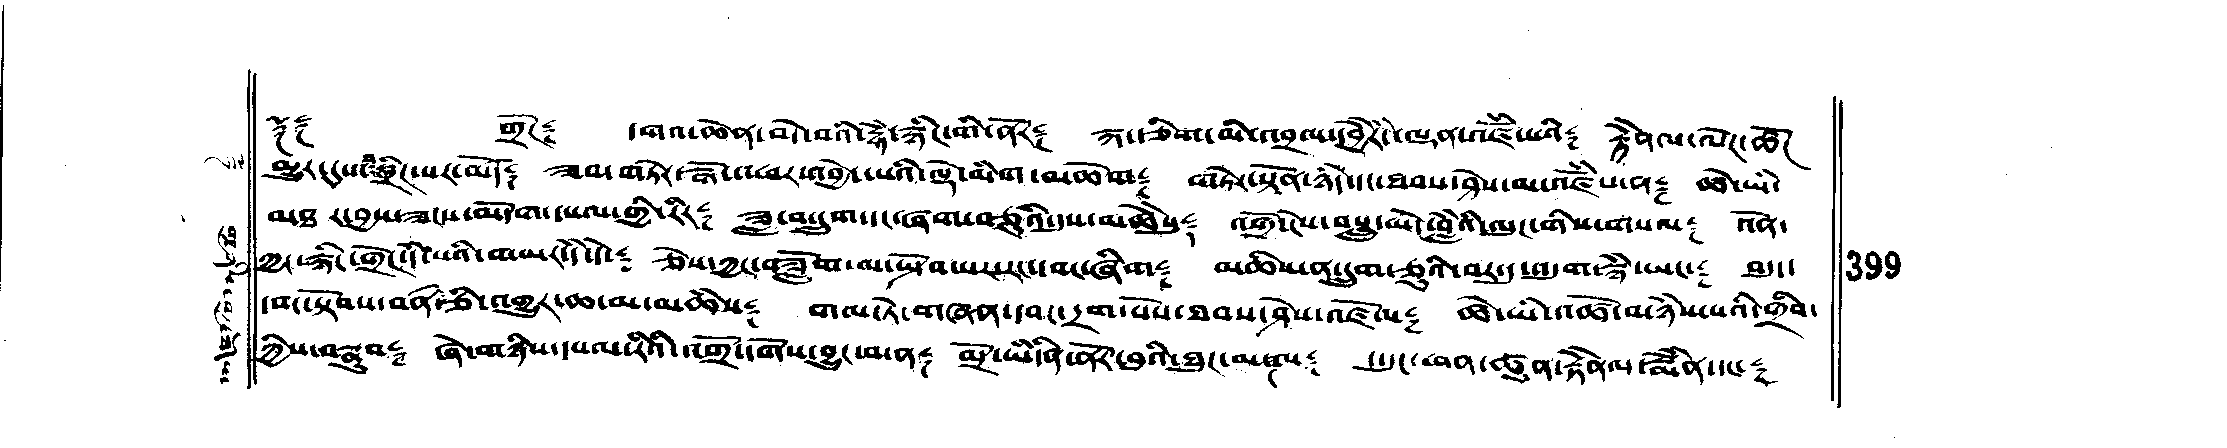གྲོགས། །དགའ་ཆེན་བདེ་བའི་རྡོ་རྗེ་སྙིང་གི་ནོར། །སྐད་ཅིག་མི་འབྲལ་དབྱེར་མེད་ལྷན་འཛོམ་པའི། །རྟེན་འབྲེལ་ལེགས་ཚོགས་
མྱུར་དུ་བསྒྲིགས་པར་མཛོད། །ཟབ་གཏེར་སྒོ་འཕར་འབྱེད་པའི་ལྟེ་མིག་མཆོག །གཏེར་སྟོན་ཉིད་དང་ཐབས་ཤེས་མ་འཛོམས་ན། །ཚེ་ཡི་
མཐར་བྱས་ཟངས་མདོག་དཔལ་གྱི་རིར། །ཟླ་བ་དྲུག་དང་ཞག་བཅུའི་དུས་མཚམས་སུ། །འགྲོ་ངེས་བསླུ་མེད་བླ་མའི་ལུང་གིས་གསལ། །འོན་
ཀྱང་སྙིང་གྲོགས་དམ་པའི་གཡར་དམ་དེ། །ཅིས་ཀྱང་བཟློག་མ་སྤོབས་པར་རང་དབང་ཞིག །མཆིས་ན་དྲུག་ཅུའི་བར་དུ་འདུག་སྙམ་ཡང་། །བདུད་
དབང་སྟོབས་བཙན་ཅི་འགྱུར་ཆ་མ་མཆིས། །གལ་ཏེ་གཞན་དབང་དྲག་པོས་ཐབས་ཤེས་འཛོལ། །ཚེ་ཡི་འཚོ་བ་ཉམས་པའི་གྲིབ་
ཀྱིས་བསྣུབ། །ཞེ་གཉིས་དཔལ་རིའི་འགྲོ་དགོས་བྱུང་བ་ན། །མཁའ་འགྲོ་ཡིད་བཞིན་ནོར་བུའི་ཐུགས་མ་ངལ། །ད་དུང་ཕན་ཚུན་རྟེན་འབྲེལ་སྨོན་ལམ་དང་།